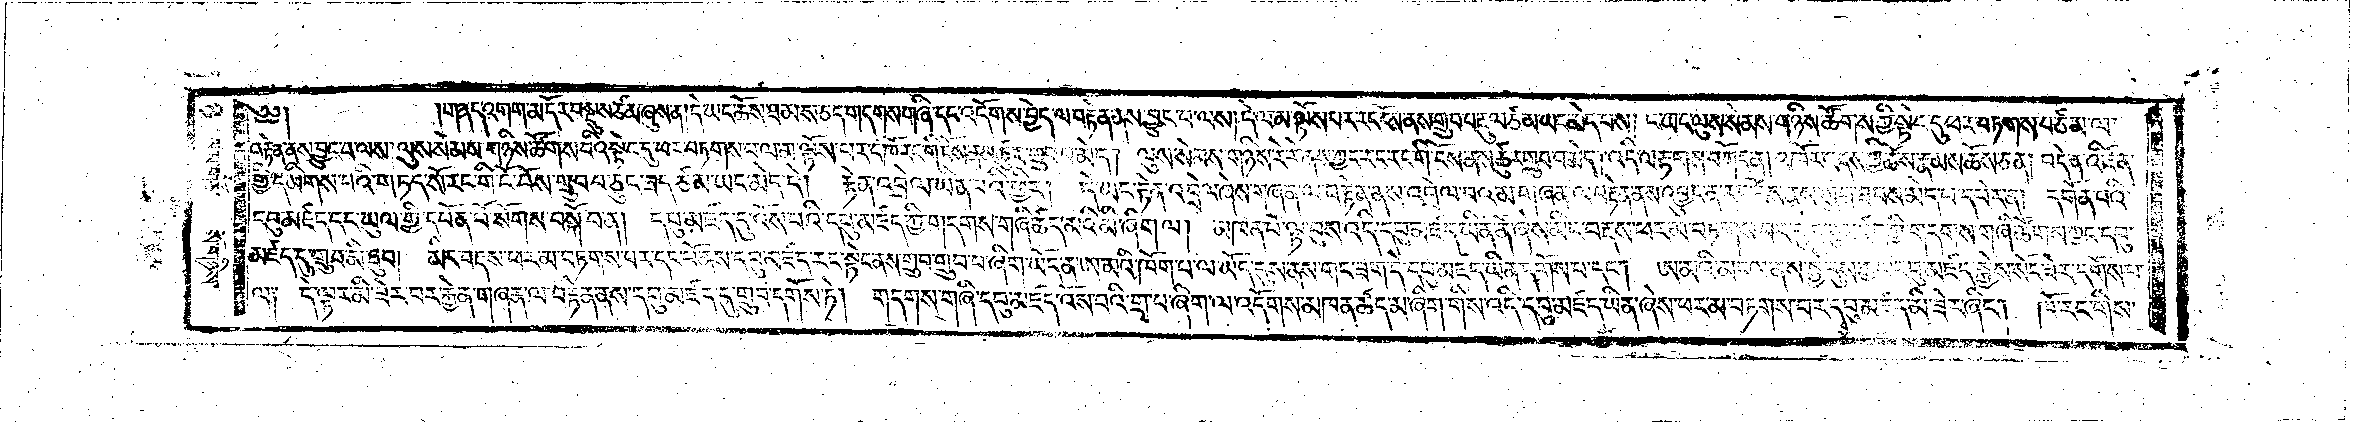༄༅། །གནད་འགག་མདོར་བསྡུས་ཙམ་ཞུས་ན། དེ་ཡང་ཆོས་ཐམས་ཅད་དགགས་གཞི་དང་འདོགས་བྱེད་ལ་བརྟེན་ནས་བྱུང་བ་ལས། དེ་ལ་མ་ལྟོས་པར་རང་ངོས་ནས་གྲུབ་པ་རྡུལ་ཙམ་ཡང་མེད་པས། ང་ཡང་ལུས་སེམས་གཉིས་ཚོགས་ཀྱི་སྟེང་དུ་ཕར་བཏགས་པ་ཙམ་ལ་
བརྟེན་ནས་བྱུང་བ་ལས། ལུས་སེམས་གཉིས་ཚོགས་པའི་སྟེང་དུ་ཕར་བཏགས་པ་ལ་མ་ལྟོས་པར་ང་ཁོ་རང་གི་ངོས་ནས་ཚུར་གྲུབ་པ་མེད། ལུས་སེམས་གཉིས་རེ་རེ་ནས་ཀྱང་རང་རང་གི་ངོས་ནས་ཚུར་གྲུབ་པ་མེད། འདི་ལ་རྟགས་བཀོད་ན། འཁོར་འདས་ཀྱི་ཆོས་རྣམས་ཆོས་ཅན། བདེན་འཛིན་
གྱི་དམིགས་པའི་གཏད་སོ་རང་གི་ངོ་བོས་གྲུབ་པ་ཅུང་ཟད་ཙམ་ཡང་མེད་དེ། རྟེན་འབྲེལ་ཡིན་པའི་ཕྱིར། དེ་ཡང་རྟེན་འབྲེལ་ཞེས་གཞན་ལ་བརྟེན་ནས་འབྲེལ་བའམ་གཞན་ལ་བརྟེན་ནས་འབྱུང་ན་རང་ངོས་ནས་གྲུབ་ཐབས་མེད་པ་དཔེར་ན། དགོན་པའི་
དབུ་མཛད་དང་ཡུལ་གྱི་དཔོན་པོ་སོགས་བསྐོ་བ་ན། དབུ་མཛད་དུ་འོས་པའི་དབུ་མཛད་ཀྱི་གདགས་གཞི་ཚད་མའི་མི་ཞིག་ལ། མཁན་པོ་ལྟ་བུས་འདི་དབུ་མཛད་ཡིན་ནོ་ཞེས་མིང་བརྡས་ཕར་མ་བཏགས་བར་དུ་དབུ་མཛད་ཀྱི་གདགས་གཞི་ཚོགས་ཀྱང་དབུ་
མཛད་དུ་གྲུབ་མི་ཐུབ། མིང་བརྡས་ཕར་མ་བཏགས་པར་དང་པོ་ནས་དབུ་མཛད་རང་སྟེང་ནས་གྲུབ་གྲུབ་པ་ཞིག་ཡོད་ན་ཨ་མའི་ཁོག་པ་ལ་ཡོད་དུས་ནས་གང་ཟག་དེ་དབུ་མཛད་ཡིན་དགོས་པ་དང་། ཨ་མའི་མངལ་ནས་སྐྱེ་དུས་ཀྱང་དབུ་མཛད་སྐྱེས་སོང་ཟེར་དགོས་པ་
ལ། དེ་ལྟར་མི་ཟེར་བར་རྐྱེན་གཞན་ལ་བརྟེན་ནས་དབུ་མཛད་དུ་གྲུབ་དགོས་ཏེ། གདགས་གཞི་དབུ་མཛད་འོས་པའི་གྲྭ་པ་ཞིག་ལ་འདོགས་མཁན་ཚད་མ་ཞིག་གིས་འདི་དབུ་མཛད་ཡིན་ཞེས་ཕར་མ་བཏགས་བར་དབུ་མཛད་མི་ཟེར་ཞིང་། ཁོ་རང་གིས་